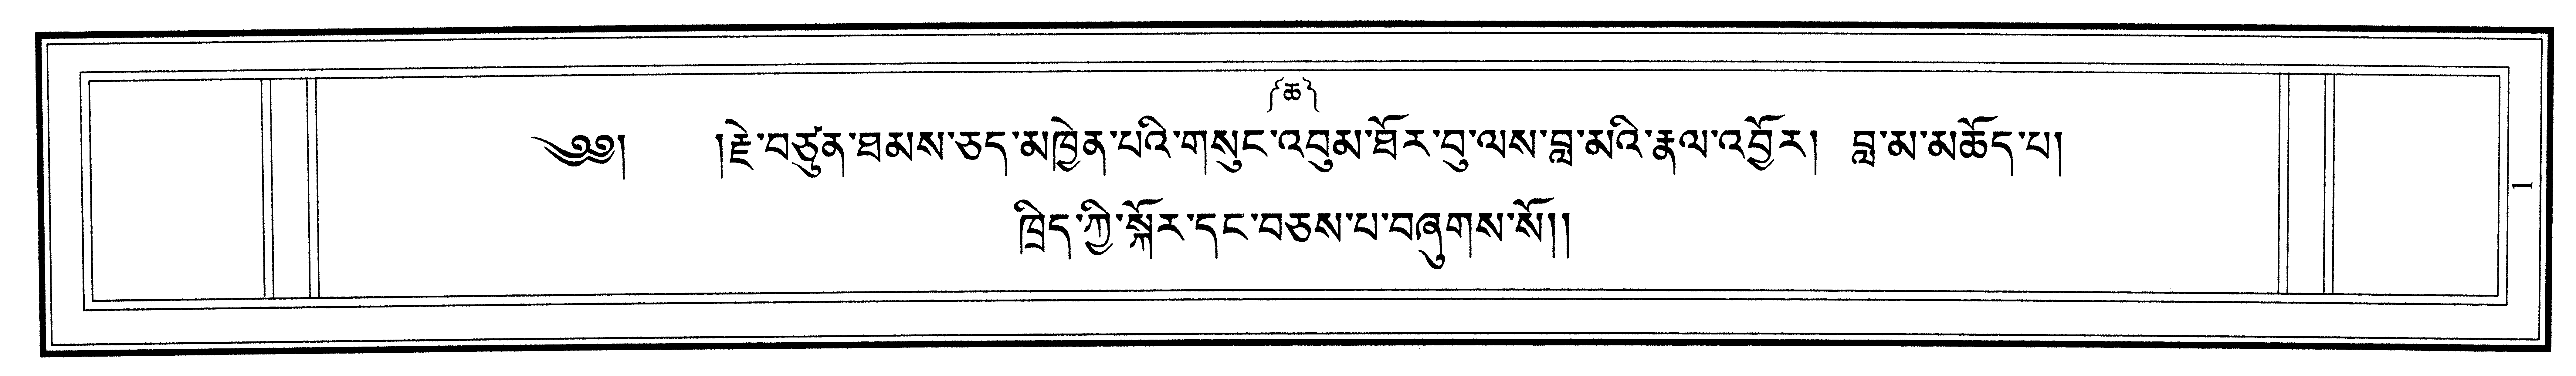༄༅། །རྗེ་བཙུན་ཐམས་ཅད་མཁྱེན་པའི་གསུང་འབུམ་ཐོར་བུ་ལས་བླ་མའི་རྣལ་འབྱོར། བླ་མ་མཆོད་པ། ཁྲིད་ཀྱི་སྐོར་དང་བཅས་པ་བཞུགས་སོ།།